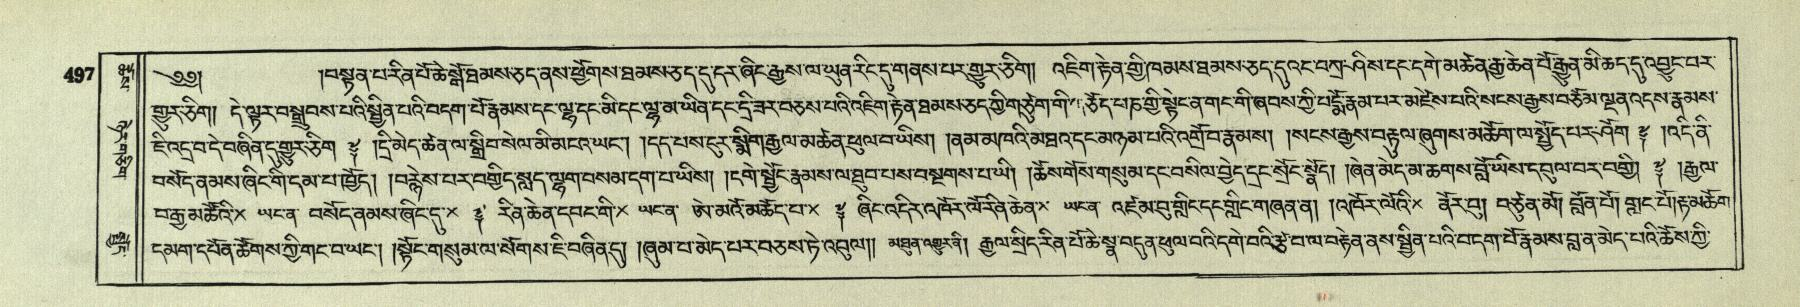༄༅། །བསྟན་པ་རིན་པོ་ཆེ་སྒོ་ཐམས་ཅད་ནས་ཕྱོགས་ཐམས་ཅད་དུ་དར་ཞིང་རྒྱས་ལ་ཡུན་རིང་དུ་གནས་པར་གྱུར་ཅིག། འཇིག་རྟེན་གྱི་ཁམས་ཐམས་ཅད་དུའང་བཀྲ་ཤིས་དང་དགེ་མཚན་རྒྱ་ཆེན་པོ་རྒྱུན་མི་ཆད་དུ་འབྱུང་བར་
གྱུར་ཅིག། དེ་ལྟར་བསྒྲུབས་པའི་སྦྱིན་པའི་བདག་པོ་རྣམས་དང་ལྷ་དང་མི་དང་ལྷ་མ་ཡིན་དང་དྲི་ཟར་བཅས་པའི་འཇིག་རྟེན་ཐམས་ཅད་ཀྱི་གཙུག་གི་གཅོད་པཎ་གྱི་སྟེང་ན་གང་གི་ཞབས་ཀྱི་པདམོ་རྣམ་པར་མཛེས་པའི་སངས་རྒྱས་བཅོམ་ལྡན་འདས་རྣམས་
ཇི་འདྲ་བ་དེ་བཞིན་དུ་གྱུར་ཅིག་འ་།དྲི་མེད་ཚན་ལ་སྒྲིབ་སེལ་མི་མངའ་ཡང་། །དད་པས་ངུར་སྨིག་རྒྱལ་མཚན་ཕུལ་བ་ཡིས། །ནམ་མཁའི་མཐའ་དང་མཉམ་པའི་འགྲོ་བ་རྣམས། །སངས་རྒྱས་བརྟུལ་ཞུགས་མཆོག་ལ་སྤྱོད་པར་ཤོག་འ་།འདི་ནི་
བསོད་ནམས་ཞིང་གི་དམ་པ་ཁྱོད། །བརྙེས་པར་བགྱིད་སླད་ལྷག་བསམ་དག་པ་ཡིས། །དགེ་སྦྱོང་རྣམས་ལ་ཐུབ་པས་བསྔགས་པ་ཡི། །ཆོས་གོས་གསུམ་དང་བསིལ་བྱེད་དྲང་སྲོང་སྣོད། །ཞེན་མེད་མ་ཆགས་བློ་ཡིས་དབུལ་བར་བགྱི། འ་།རྒྱལ་
བ་རྒྱ་མཚོའི་྾་ཡང་ན་བསོད་ནམས་ཞིང་དུ་྾་འ་རིན་ཆེན་དབང་གི་྾་ཡང་ན་ཨེ་མའོ་མཆོད་པ་྾་འ་ཞིང་འདིར་འཁོར་ལོ་རིན་ཆེན་྾་ཡང་ན་འཛམ་བུ་གླིང་དང་གླིང་གཞན་ན། །འཁོར་ལོའི་྾་ནོར་བུ། བཙུན་མོ། བློན་པོ། གླང་པོ། རྟ་མཆོག་
དམག་དཔོན་ཚོགས་ཀྱི་གང་བ་ཡང་། །སྟོང་གསུམ་ལ་སོགས་ཇི་བཞིན་དུ། །ཞུམ་པ་མེད་པར་བཅས་ཏེ་འབུལ།། མཐུན་འགྱུར་ནི།  རྒྱལ་སྲིད་རིན་པོ་ཆེ་སྣ་བདུན་ཕུལ་བའི་དགེ་བའི་རྩ་བ་ལ་བརྟེན་ནས་སྦྱིན་པའི་བདག་པོ་རྣམས་བླ་ན་མེད་པའི་ཆོས་ཀྱི་